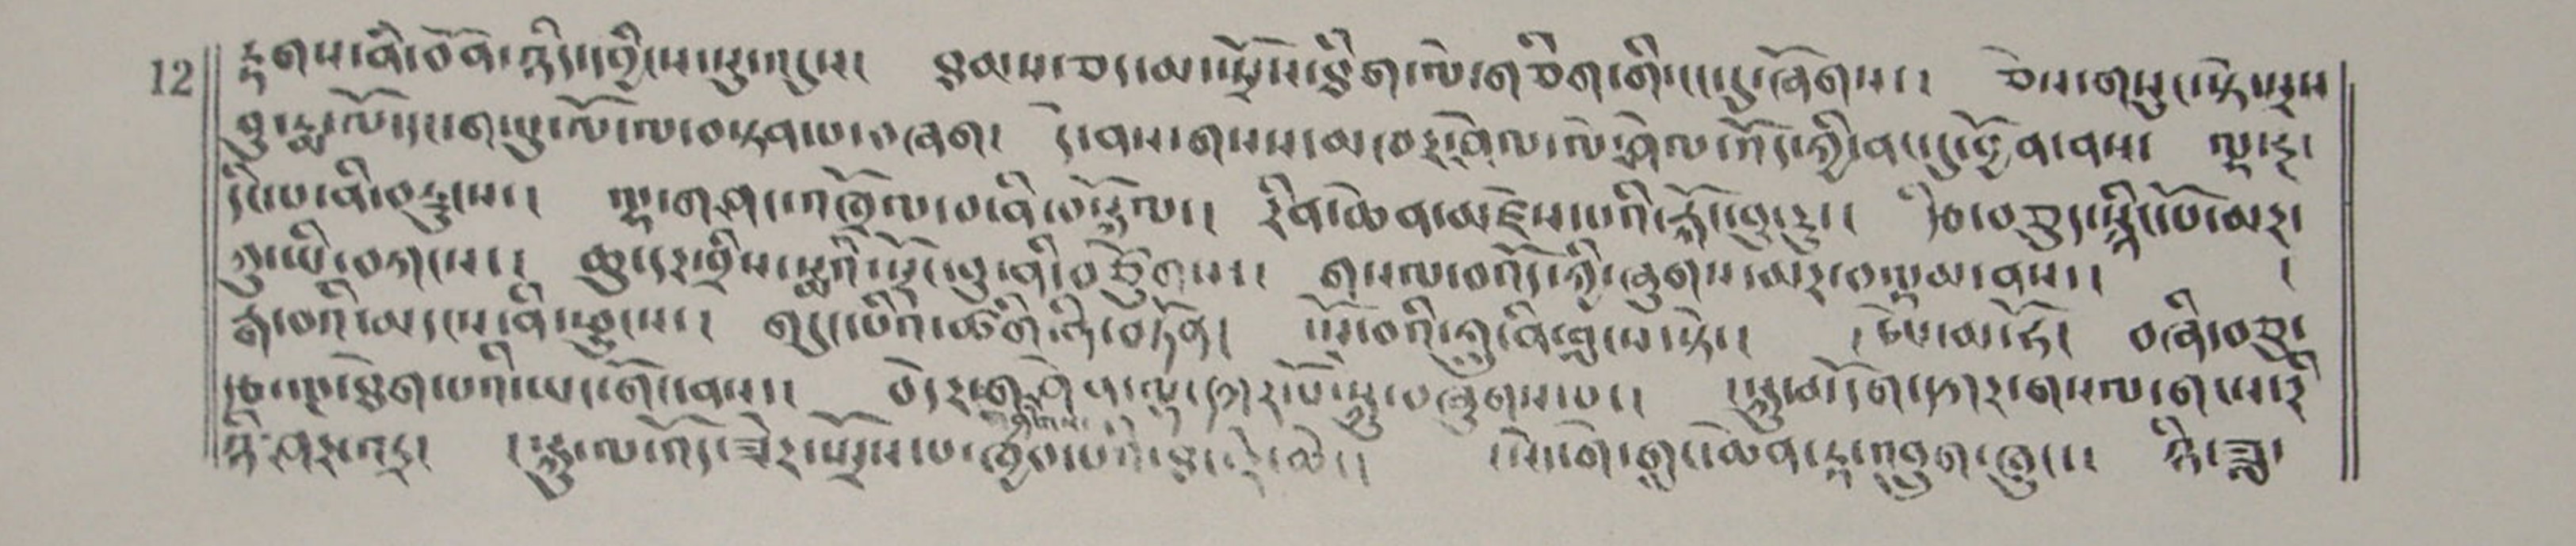རྟགས་ནི་བོན་ཉིད་དབྱིངས་སུ་འདུས། ཐམས་ཅད་མ་སྤྲོས་ཐིག་ལེ་གཅིག་གི་ངང་དུ་ཞོགས། ཅེས་གསུངས་ཏེ། གསས་
བུ་རྨ་ལོ་དང་གཡུའ་ལོ་ལ་བསྟན་པར་བཞག །དེ་ནས་གསས་མཁར་ཤེལ་ལེ་ཤེལ་འོད་ཀྱི་ནང་དུ་བྱོན་ནས། ལྷ་རྔ་
དིང་བ་ནི་བརྡུངས། ལྷ་གཤང་ཁྲོལ་བ་ནི་བཀྲོལ། རིན་ཆེན་མཛེས་པའི་རྐོང་བུ་རུ། རྩི་བཅུད་སྙིང་བོ་མར་
ཀུ་ཡི་བཀངས། ཆུ་དར་བྲིས་སྨའི་སྡོང་བུ་ནི་བཙུགས། གསལ་བ་འོད་ཀྱི་ཞུགས་མར་བལྟམ་ནས། 
དགའ་(རྒ)བའི་མདངས་ནི་ཕྱུངས། གདུངས་པའི་ཚིག་ནི་བཏོན། སྤྲོ་བའི་གླུ་ནི་བླངས་ཏེ། ཨེ་མ་ཧོ། བཞི་བཅུ་
རྩ་ལྔ་ཐེག་པའི་ཡང་གོང་ནས། བདེ་གཤེགས་གཤེན་ལྷ་དཀར་པོ་སྐུ་བཞུགས་པ། སྐུ་མདོག་དཀར་གསལ་གངས་རི་
ཉི་ཤར་འདྲ། སྐུ་ལས་འོད་ཟེར་སྤྲོས་བ་ཁྱབ་པའི་ཐང་རེ་ཆེ། སེང་གེ་གླང་ཆེན་རྟ་འབྲུག་ཁྱུང་། ཉི་ཟླ་